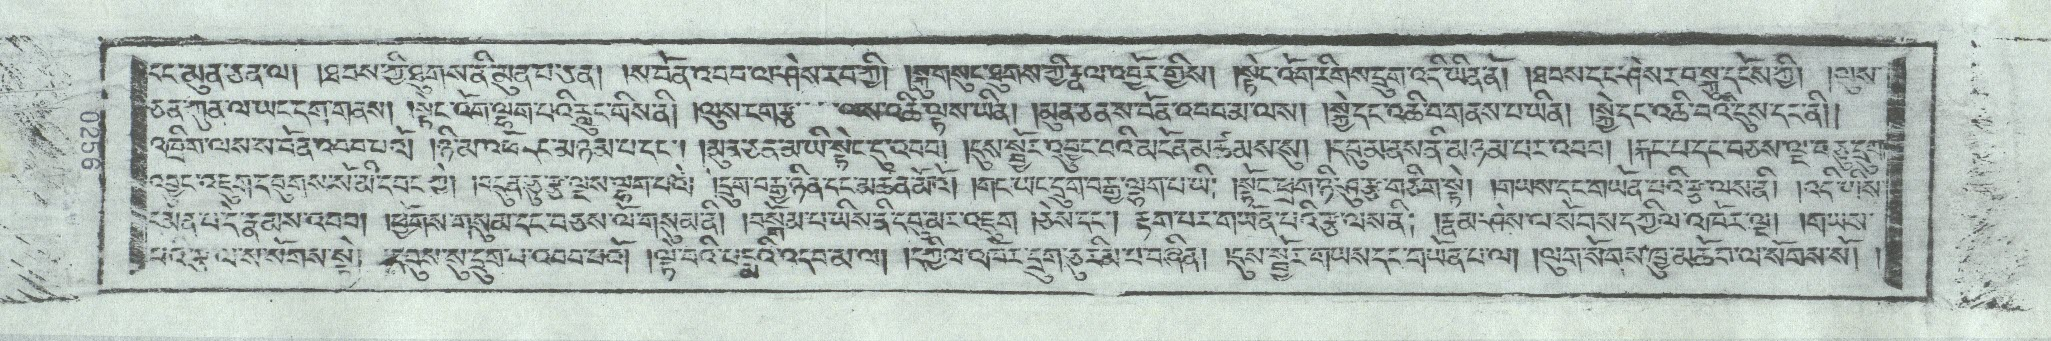དང་མུན་ཅན་ལ། །ཐབས་ཀྱི་ཐུགས་ནི་མུན་པ་ཅན། །ས་བོན་འབབ་ལ་ཤེས་རབ་ཀྱི། །སྐུ་གསུང་ཐུགས་ཀྱི་རྣལ་འབྱོར་གྱིས། །སྟེང་འོག་རིགས་དྲུག་འདི་ཡིན་ནོ། །ཐབས་དང་ཤེས་རབ་སྐུ་དངོས་ཀྱི། །ལུས་
ཅན་ཀུན་ལ་ཡང་དག་གནས། །སྟེང་འོག་ལྷག་པའི་རླུང་གིས་ནི། །ལུས་ངག་རྩ་ལས་འཆི་ལྟས་ཡིན། །མུན་ཅན་ས་བོན་འབབ་མ་ལས། །སྐྱེ་དང་འཆི་བ་གནས་པ་ཡིན། །སྐྱེ་དང་འཆི་བའི་དུས་དང་ནི།།
འཁྲིག་ལས་ས་བོན་འབབ་པའོ། །ཉི་མ་འཕོ་དང་མཉམ་པ་དང་། །མུན་ཅན་མ་ཡི་སྟེང་དུ་འབབ། །དུས་སྦྱོར་འབྱུང་བའི་མངོན་མཚམས་སུ། །དབུ་མ་ནས་ནི་མཉམ་པར་འབབ། །རྐང་པ་དང་བཅས་ལྔ་བཅུ་དྲུག།
འབྱུང་འཇུག་དབུགས་སོ་མི་དབང་ཀྱེ། །བདུན་ཅུ་རྩ་ལྔས་ལྷག་པའོ། །དྲུག་བརྒྱ་ཉིན་དང་མཚན་མོའོ། །གང་ཡང་དྲུག་བརྒྱ་ལྷག་པ་ཡི། །སྟོང་ཕྲག་ཉི་ཤུ་རྩ་གཅིག་སྟེ། །གཡས་དང་གཡོན་པའི་རྩ་ལས་ནི། །འདི་ཡིས་
དམན་པ་དེ་རྣམས་འབབ། །ཕྱོགས་གསུམ་དང་བཅས་ལོ་གསུམ་ནི། །བསྒོམ་པ་ཡིས་ནི་དབུ་མར་འཇུག །ཅེས་དང་། རྟག་པར་གཡོན་པའི་རྩ་ལས་ནི། །རྣམ་ཤེས་ལ་སོགས་དཀྱིལ་འཁོར་ལྔ། །གཡས་
པའི་རྩ་ལ་ས་སོགས་སྟེ། །དབུས་སུ་དྲུག་པ་འབབ་པའོ། །ལྟེ་བའི་པདམའི་འདབ་མ་ལ། །དཀྱིལ་འཁོར་དྲུག་ཅུ་རིམ་པ་བཞིན། །དུས་སྦྱོར་གཡས་དང་གཡོན་པ་ལ། །ལུག་སོགས་ཁྱུ་མཆོག་ལ་སོགས་སོ། །